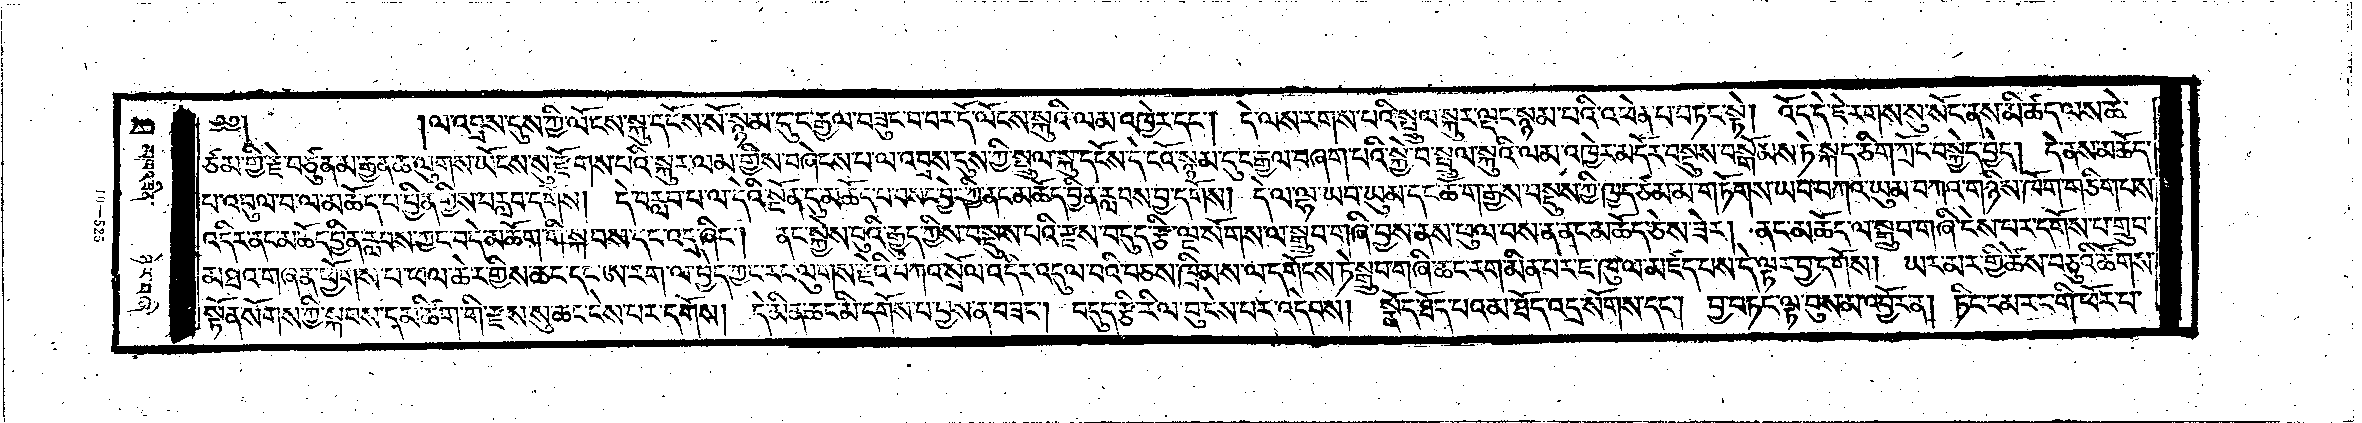༄༅། །ལ་འབྲས་དུས་ཀྱི་ལོངས་སྐུ་དངོས་སོ་སྙམ་དུ་ང་རྒྱལ་བཟུང་བ་བར་དོ་ལོངས་སྐུའི་ལམ་འཁྱེར་དང་། དེ་ལས་རགས་པའི་སྤྲུལ་སྐུར་ལྡང་སྙམ་པའི་འཕེན་པ་བཏང་སྟེ། འོད་དེ་ཇེ་རགས་སུ་སོང་ནས་མི་ཚད་ལས་ཆེ་
ཙམ་གྱི་རྗེ་བཙུན་མ་རྒྱན་ཆ་ལུགས་ཡོངས་སུ་རྫོགས་པའི་སྐུར་ལམ་གྱིས་བཞེངས་པ་ལ་འབྲས་དུས་ཀྱི་སྤྲུལ་སྐུ་དངོས་དེ་ངའོ་སྙམ་དུ་ང་རྒྱལ་བཞག་པའི་སྐྱེ་བ་སྤྲུལ་སྐུའི་ལམ་འཁྱེར་མདོར་བསྡུས་བསྒོམས་ཏེ་སྐད་ཅིག་ཀྲོང་བསྐྱེད་བྱེད། དེ་ནས་མཆོད་
པ་འབུལ་བ་ལ་མཆོད་པ་བྱིན་གྱིས་བརླབ་དགོས། དེ་བརླབ་པ་ལ་དེའི་སྔོན་དུ་མཆོད་པ་བསང་བྱེད་ཀྱི་ནང་མཆོད་བྱིན་རླབས་བྱ་དགོས། དེ་ལ་ལྷ་ཡབ་ཡུམ་དང་ཆོ་ག་རྒྱས་བསྡུས་ཀྱི་ཁྱད་ཙམ་མ་གཏོགས་ཡབ་བཀའ་ཡུམ་བཀའ་གཉིས་ཁོག་གཅིག་པས་
འདིར་ནང་མཆོད་བྱིན་རླབས་ཀྱང་བདེ་མཆོག་གི་སྐབས་དང་འདྲ་ཞིང་། ནང་སྐྱེས་བུའི་རྒྱུད་ཀྱིས་བསྡུས་པའི་རྫས་བདུད་རྩི་ལྔ་སོགས་ལ་སྒྲུབ་གཞི་བྱས་ནས་ཕུལ་བས་ན་ནང་མཆོད་ཅེས་ཟེར། ནང་མཆོད་ལ་སྒྲུབ་གཞི་ངེས་པར་དགོས་པ་གྲུབ་
མཐའ་གཞན་ཕྱོགས་པ་ཕལ་ཆེར་གྱིས་ཆང་དང་ཨ་རག་ལ་བྱེད་ཀྱང་རང་ལུགས་རྗེའི་བཀའ་སྲོལ་འདིར་འདུལ་བའི་བཅས་ཁྲིམས་ལ་དགོངས་ཏེ་སྒྲུབ་གཞི་ཆང་རག་མིན་བར་ཇ་ཁུ་ལ་མཛད་པས་དེ་ལྟར་བྱ་དགོས། ཡར་མར་གྱི་ཚེས་བཅུའི་ཚོགས་
སྟོན་སོགས་ཀྱི་སྐབས་དམ་ཚིག་གི་རྫས་སུ་ཆང་ངེས་པར་དགོས། དེ་མིན་ཆང་མི་དགོས་པ་བྱས་ན་བཟང་། བདུད་རྩི་རིལ་བུ་ངེས་པར་འདེབས། སྣོད་ཐོད་པའམ་ཐོད་འདྲ་སོགས་དང་། བྱ་བཏང་ལྟ་བུས་མ་འབྱོར་ན། ཏིང་དམ་རང་གི་ཕོར་བ་